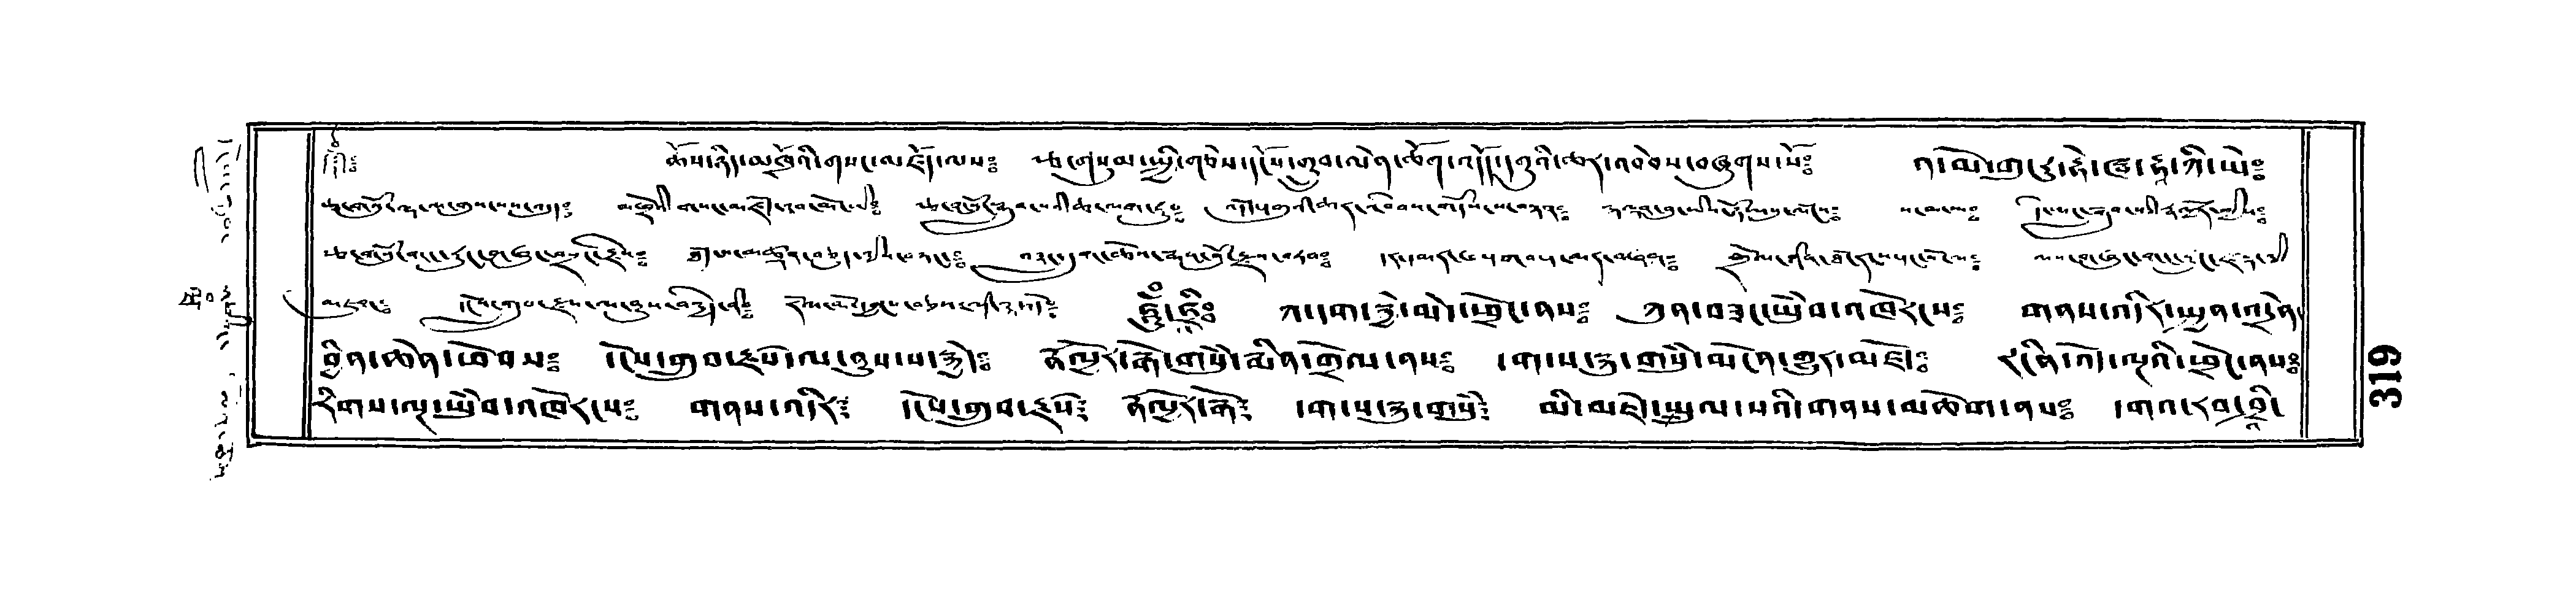ཆོས་ཉིད་མཁའ་འགྲོའི་གསང་མཛོད་ལས༔ རྩ་གསུམ་སྤྱི་གཅེས་དངོས་གྲུབ་ལེན་ཆོག་འདོད་དགུའི་ཆར་འབེབས་བཞུགས་སོ༔ ན་མོ་གུ་རུ་དྷེ་ཝ་དྷཱ་ཀི་ཡེ༔ 
རྩ་གསུམ་ལྷ་ལ་གུས་པས་འདུད༔ མཁའ་འགྲོའི་གསང་མཛོད་ཟབ་མོ་ཡི༔ རྩ་གསུམ་སྒྲུབ་པའི་ཆ་ལག་ཏུ༔ འདོད་དགུའི་ཆར་འབེབས་གདམས་པ་བསྟན༔ སྐལ་ལྡན་བུ་ཡིས་ཉམས་སུ་ལོངས༔ ས་མ་ཡ༔ དེ་ཡང་སྒྲུབ་པའི་རྣལ་འབྱོར་གྱིས༔ 
རྩ་གསུམ་གང་རུང་གཞུང་བསྲང་རྗེས༔ ཐོད་པ་མཚན་ལྡན་བཅུད་ཀྱི་བཀང༔ བཟང་དྲུག་ཆོས་སྨན་བུམ་རྫས་བཏབ༔ དར་དམར་ཁ་དགབ་ད་ལར་བཞག༔ གྲོལ་ཉིན་ཐོ་རངས་དང་པོ་ལ༔ ལས་གཞུང་གང་རུང་འཛབ་ཀྱི་
མཇུག༔ དངོས་གྲུབ་རྫས་ལ་ནུས་བསྐྱེད་ནི༔ རོལ་མོ་དབྱངས་བཅས་འདི་སྐད་དོ༔ ཧཱུྃ་ཧྲཱིཿ ཀ་དག་སྐྱེ་མེད་ཕོ་བྲང་ནས༔ ཀུན་བཟང་ཡབ་ཡུམ་འཁོར་དང་བཅས༔ གནས་འདིར་སྤྱན་འདྲེན་
བྱིན་ཆེན་ཕོབས༔ དངོས་གྲུབ་རྫས་ལ་ནུས་པ་སྐྱེད༔ རྣལ་འབྱོར་སྒོ་གསུམ་སྨིན་གྲོལ་ནས༔ དག་པ་སྐུ་གསུམ་མངོན་གྱུར་མཛོད༔ རང་བཞིན་འོད་ལྔའི་ཕོ་བྲང་ནས༔ 
རིགས་ལྔ་ཡབ་ཡུམ་འཁོར་དང་བཅས༔ གནས་འདིར༴ དངོས་གྲུབ་རྫས༴ རྣལ་འབྱོར་སྒོ༴ དག་པ་སྐུ་གསུམ༴ མི་མཇེད་སྤྲུལ་པའི་གནས་མཆོག་ནས༔ དགའ་རབ་ཤྲཱི་